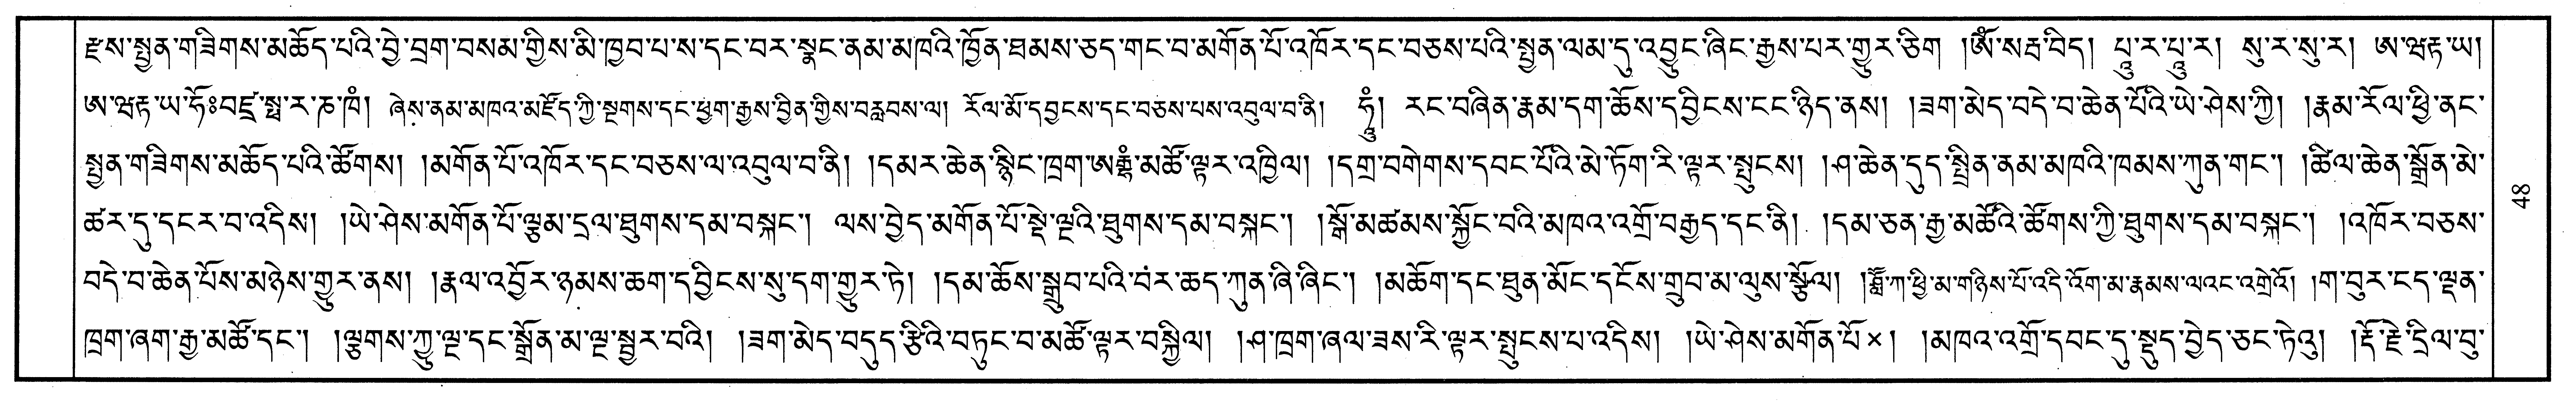རྫས་སྤྱན་གཟིགས་མཆོད་པའི་བྱེ་བྲག་བསམ་གྱིས་མི་ཁྱབ་པ་ས་དང་བར་སྣང་ནམ་མཁའི་ཁྱོན་ཐམས་ཅད་གང་བ་མགོན་པོ་འཁོར་དང་བཅས་པའི་སྤྱན་ལམ་དུ་འབྱུང་ཞིང་རྒྱས་པར་གྱུར་ཅིག །ཨོཾ་སརྦ་བིད། པཱུ་ར་པཱུ་ར། སུ་ར་སུ་ར། ཨ་ཝརྟ་ཡ།
ཨ་ཝརྟ་ཡ་ཧོཿབཛྲ་སྥ་ར་ཎ་ཁཾ། ཞེས་ནམ་མཁའ་མཛོད་ཀྱི་སྔགས་དང་ཕྱག་རྒྱས་བྱིན་གྱིས་བརླབས་ལ། རོལ་མོ་དབྱངས་དང་བཅས་པས་འབུལ་བ་ནི། ཧཱུཾ། རང་བཞིན་རྣམ་དག་ཆོས་དབྱིངས་ངང་ཉིད་ནས། །ཟག་མེད་བདེ་བ་ཆེན་པོའི་ཡེ་ཤེས་ཀྱི། །རྣམ་རོལ་ཕྱི་ནང་
སྤྱན་གཟིགས་མཆོད་པའི་ཚོགས། །མགོན་པོ་འཁོར་དང་བཅས་ལ་འབུལ་བ་ནི། །དམར་ཆེན་སྙིང་ཁྲག་ཨརྒྷཾ་མཚོ་ལྟར་འཁྱིལ། །དགྲ་བགེགས་དབང་པོའི་མེ་ཏོག་རི་ལྟར་སྤུངས། །ཤ་ཆེན་དུད་སྤྲིན་ནམ་མཁའི་ཁམས་ཀུན་གང་། །ཚིལ་ཆེན་སྒྲོན་མེ་
ཚར་དུ་དངར་བ་འདིས། །ཡེ་ཤེས་མགོན་པོ་ལྕམ་དྲལ་ཐུགས་དམ་བསྐང་། ལས་བྱེད་མགོན་པོ་སྡེ་ལྔའི་ཐུགས་དམ་བསྐང་། །སྒོ་མཚམས་སྐྱོང་བའི་མཁའ་འགྲོ་བརྒྱད་དང་ནི། །དམ་ཅན་རྒྱ་མཚོའི་ཚོགས་ཀྱི་ཐུགས་དམ་བསྐང་། །འཁོར་བཅས་
བདེ་བ་ཆེན་པོས་མཉེས་གྱུར་ནས། །རྣལ་འབྱོར་ཉམས་ཆག་དབྱིངས་སུ་དག་གྱུར་ཏེ། །དམ་ཆོས་སྒྲུབ་པའི་བར་ཆད་ཀུན་ཞི་ཞིང་། །མཆོག་དང་ཐུན་མོང་དངོས་གྲུབ་མ་ལུས་སྩོལ། །ཤླཽ་ཀ་ཕྱི་མ་གཉིས་པོ་འདི་འོག་མ་རྣམས་ལའང་འགྲེའོ། །ག་བུར་ངད་ལྡན་
ཁྲག་ཞག་རྒྱ་མཚོ་དང་། །ལྕགས་ཀྱུ་ལྔ་དང་སྒྲོན་མ་ལྔ་སྦྱར་བའི། །ཟག་མེད་བདུད་རྩིའི་བཏུང་བ་མཚོ་ལྟར་བསྐྱིལ། །ཤ་ཁྲག་ཞལ་ཟས་རི་ལྟར་སྤུངས་པ་འདིས། །ཡེ་ཤེས་མགོན་པོ་྾། །མཁའ་འགྲོ་དབང་དུ་སྡུད་བྱེད་ཅང་ཏེའུ། །རྡོ་རྗེ་དྲིལ་བུ་